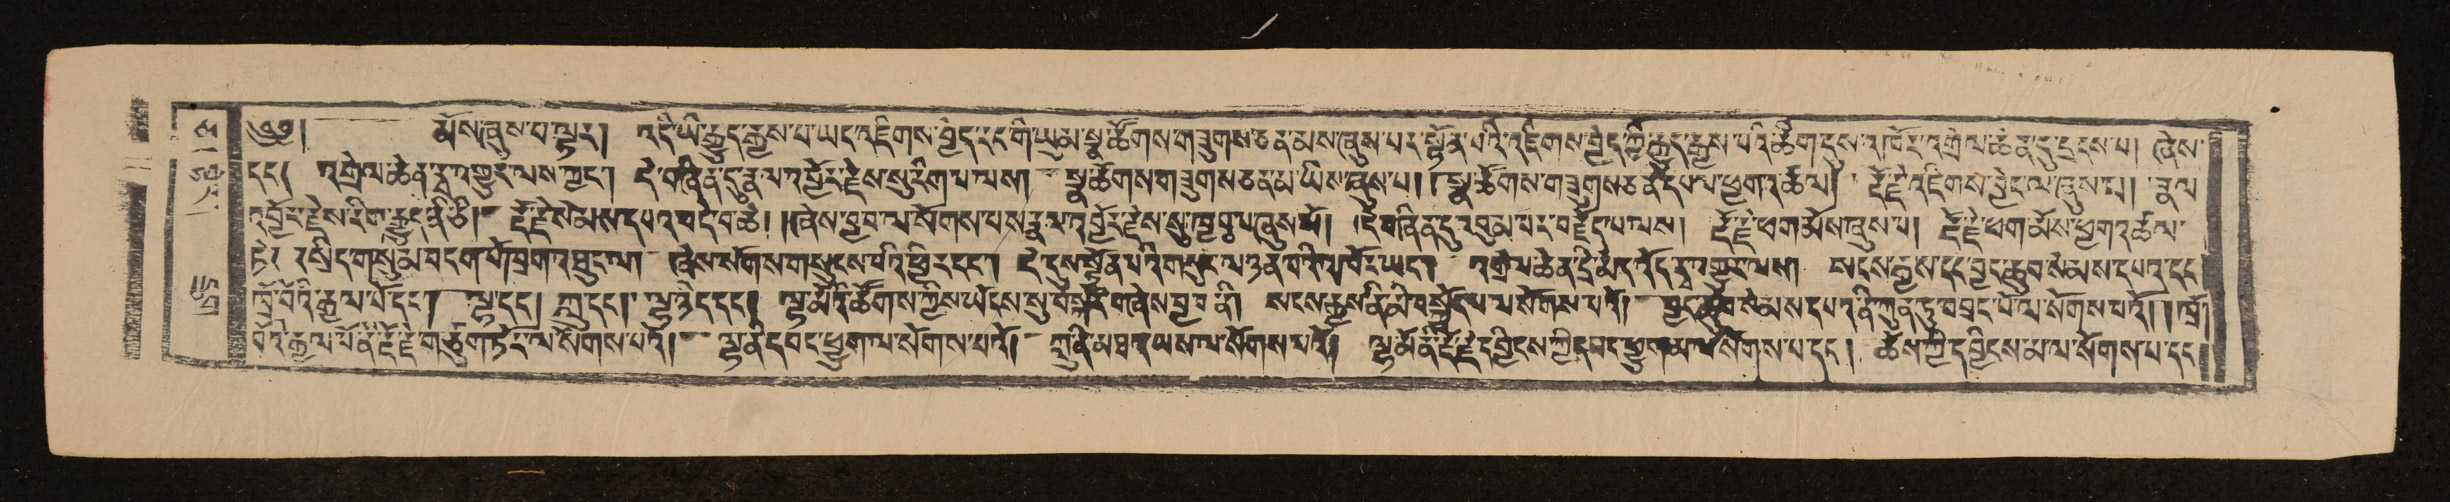༄༅། །མོས་ཞུས་པ་ལྟར། འདི་ཡི་རྒྱུད་རྒྱས་པ་ཡང་འཇིགས་བྱེད་རང་གི་ཡུམ་སྣ་ཚོགས་གཟུགས་ཅན་མས་ཞུས་པར་སྟོན་པའི་འཇིགས་བྱེད་ཀྱི་རྒྱུད་རྒྱས་པའི་ཚིག་དུས་འཁོར་འགྲེལ་ཆེན་དུ་དྲངས་པ། ཞེས་
དང༑ འགྲེལ་ཆེན་རྭ་འགྱུར་ལས་ཀྱང་། དེ་བཞིན་དུ་རྣལ་འབྱོར་རྗེས་སུ་རིག་པ་ལས། སྣ་ཚོགས་གཟུགས་ཅན་མ་ཡིས་ཞུས་པ། སྣ་ཚོགས་གཟུགས་ཅན་དཔལ་ཕྱག་འཚལ། །རྡོ་རྗེ་འཇིགས་བྱེད་ལ་ཞུས་པ། །རྣལ་
འབྱོར་རྗེས་རིག་རྒྱུད་ནི་ཅི། །རྡོ་རྗེ་སེམས་དཔའ་བདེ་བ་ཆེ། །ཞེས་བྱ་བ་ལ་སོགས་པས་རྣལ་འབྱོར་རྗེས་སུ་ཁྱབ་པ་ཞུས་སོ། །དེ་བཞིན་དུ་འབུམ་པར་བརྗོད་པ་ལས། རྡོ་རྗེ་ཕག་མོས་ཞུས་པ། རྡོ་རྗེ་ཕག་མོས་ཕྱག་འཚལ་
ཏེ༑ ༑སྲིད་གསུམ་བདག་པོ་ཁྲག་འཐུང་ལ། །ཞེས་སོགས་གསུངས་པའི་ཕྱིར་དང་། དེ་དུས་སྟོན་པའི་གསུང་ལ་ཉན་པའི་འཁོར་ཡང་། འགྲེལ་ཆེན་དྲི་མེད་འོད་རྭ་འགྱུར་ལས། སངས་རྒྱས་དང་བྱང་ཆུབ་སེམས་དཔའ་དང་།
ཁྲོ་བོའི་རྒྱལ་པོ་དང་། ལྷ་དང་། ཀླུ་དང་། ལྷ་ཉིད་དང་། ལྷ་མོའི་ཚོགས་ཀྱིས་ཡོངས་སུ་བསྐོར་བ་ཞེས་བྱ་བ་ནི། སངས་རྒྱས་ནི་མི་བསྐྱོད་པ་ལ་སོགས་པའོ། །བྱང་ཆུབ་སེམས་དཔའ་ནི་ཀུན་ཏུ་བཟང་པོ་ལ་སོགས་པའོ། །ཁྲོ་
བོའི་རྒྱལ་པོ་ནི་རྡོ་རྗེ་གཙུག་ཏོར་ལ་སོགས་པའོ། །ལྷ་ནི་དབང་ཕྱུག་ལ་སོགས་པའོ། །ཀླུ་ནི་མཐའ་ཡས་ལ་སོགས་པའོ། །ལྷ་མོ་ནི་རྡོ་རྗེ་དབྱིངས་ཀྱི་དབང་ཕྱུག་མ་ལ་སོགས་པ་དང་། ཆོས་ཀྱི་དབྱིངས་མ་ལ་སོགས་པ་དང་།